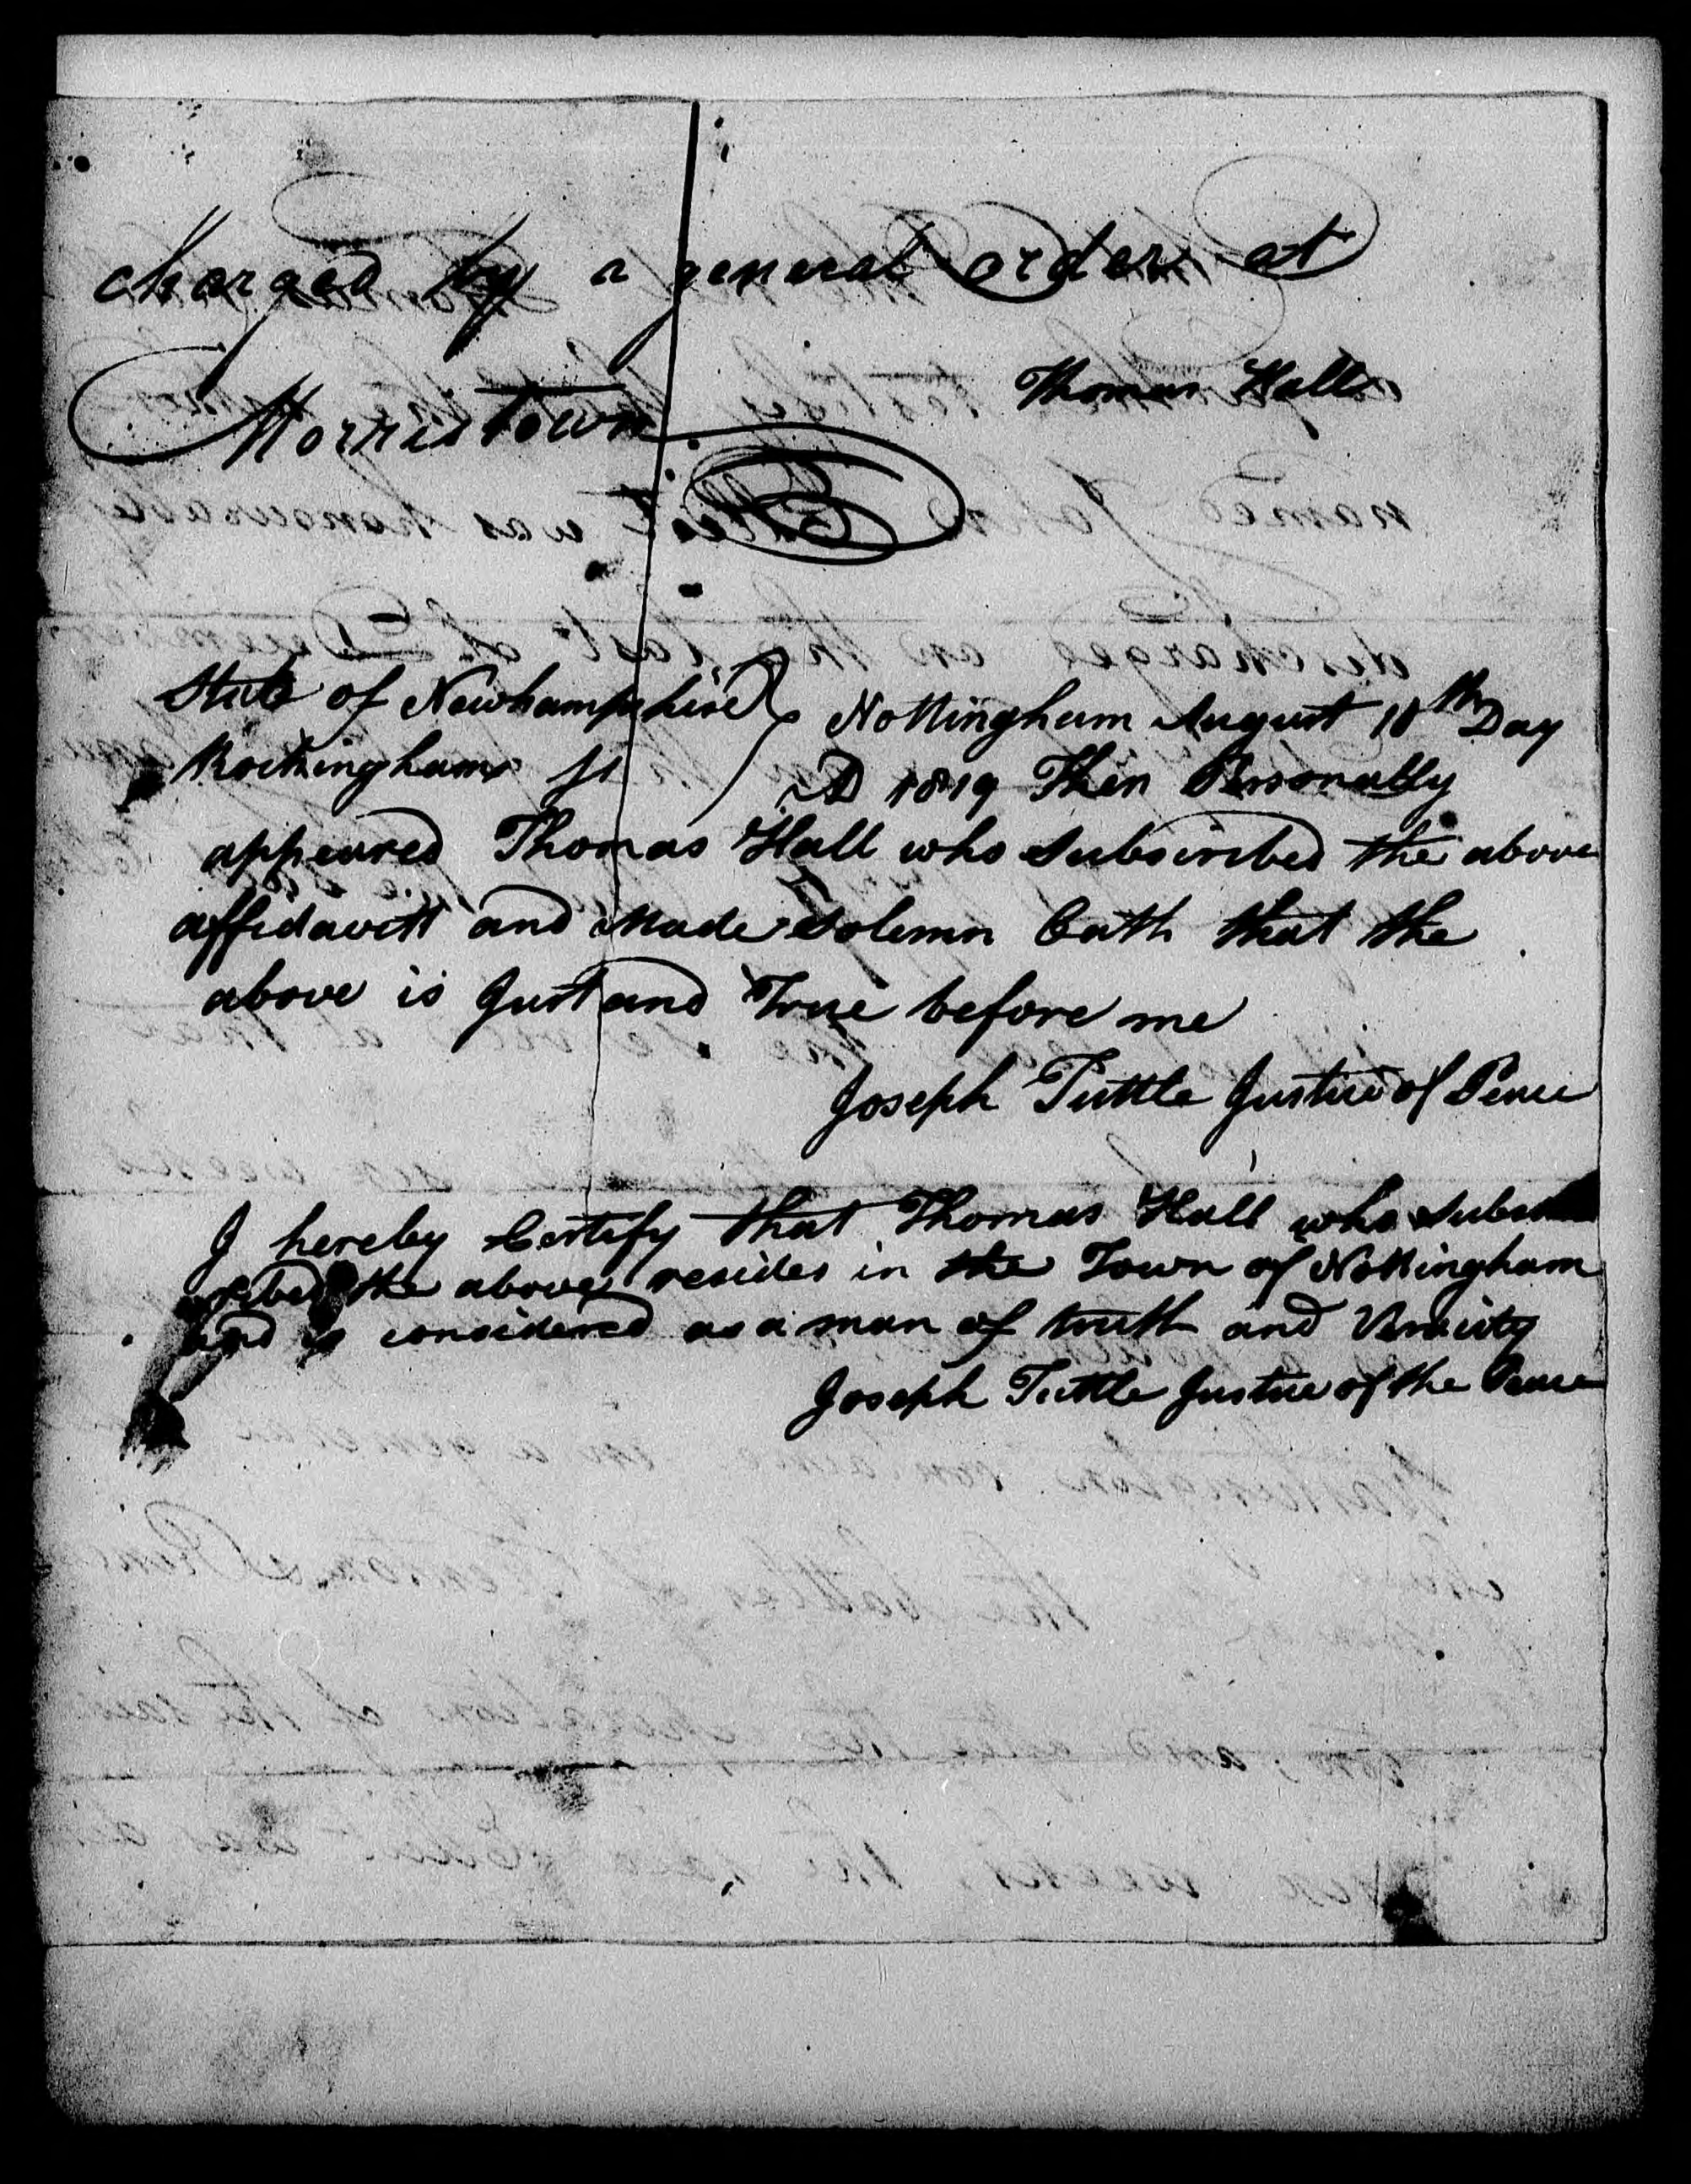charged by a general order at
Morristown Thomas Hall

State of Newhampshire Nottingham August 10th day
Rockingham SS 

A D 1819 Then Personally
appeared Thomas Hall who subscribed the above affidavit and made solemn Oath that the
above is just and true before me
Joseph Tuttle Justice of Peace
I hereby Certify that Thomas Hall who subscribed 
the above resides in the Town of Nottingham and is
considered as a man of truth and veracity
Joseph Tuttle Justice of the Peace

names: Thomas Hall, Joseph Tuttle, Thomas Hall, Thomas Hall, Joseph Tuttle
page: 35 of 57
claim: widow's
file: W. 16,114, John Elliot, Continental (Mass) N.H.